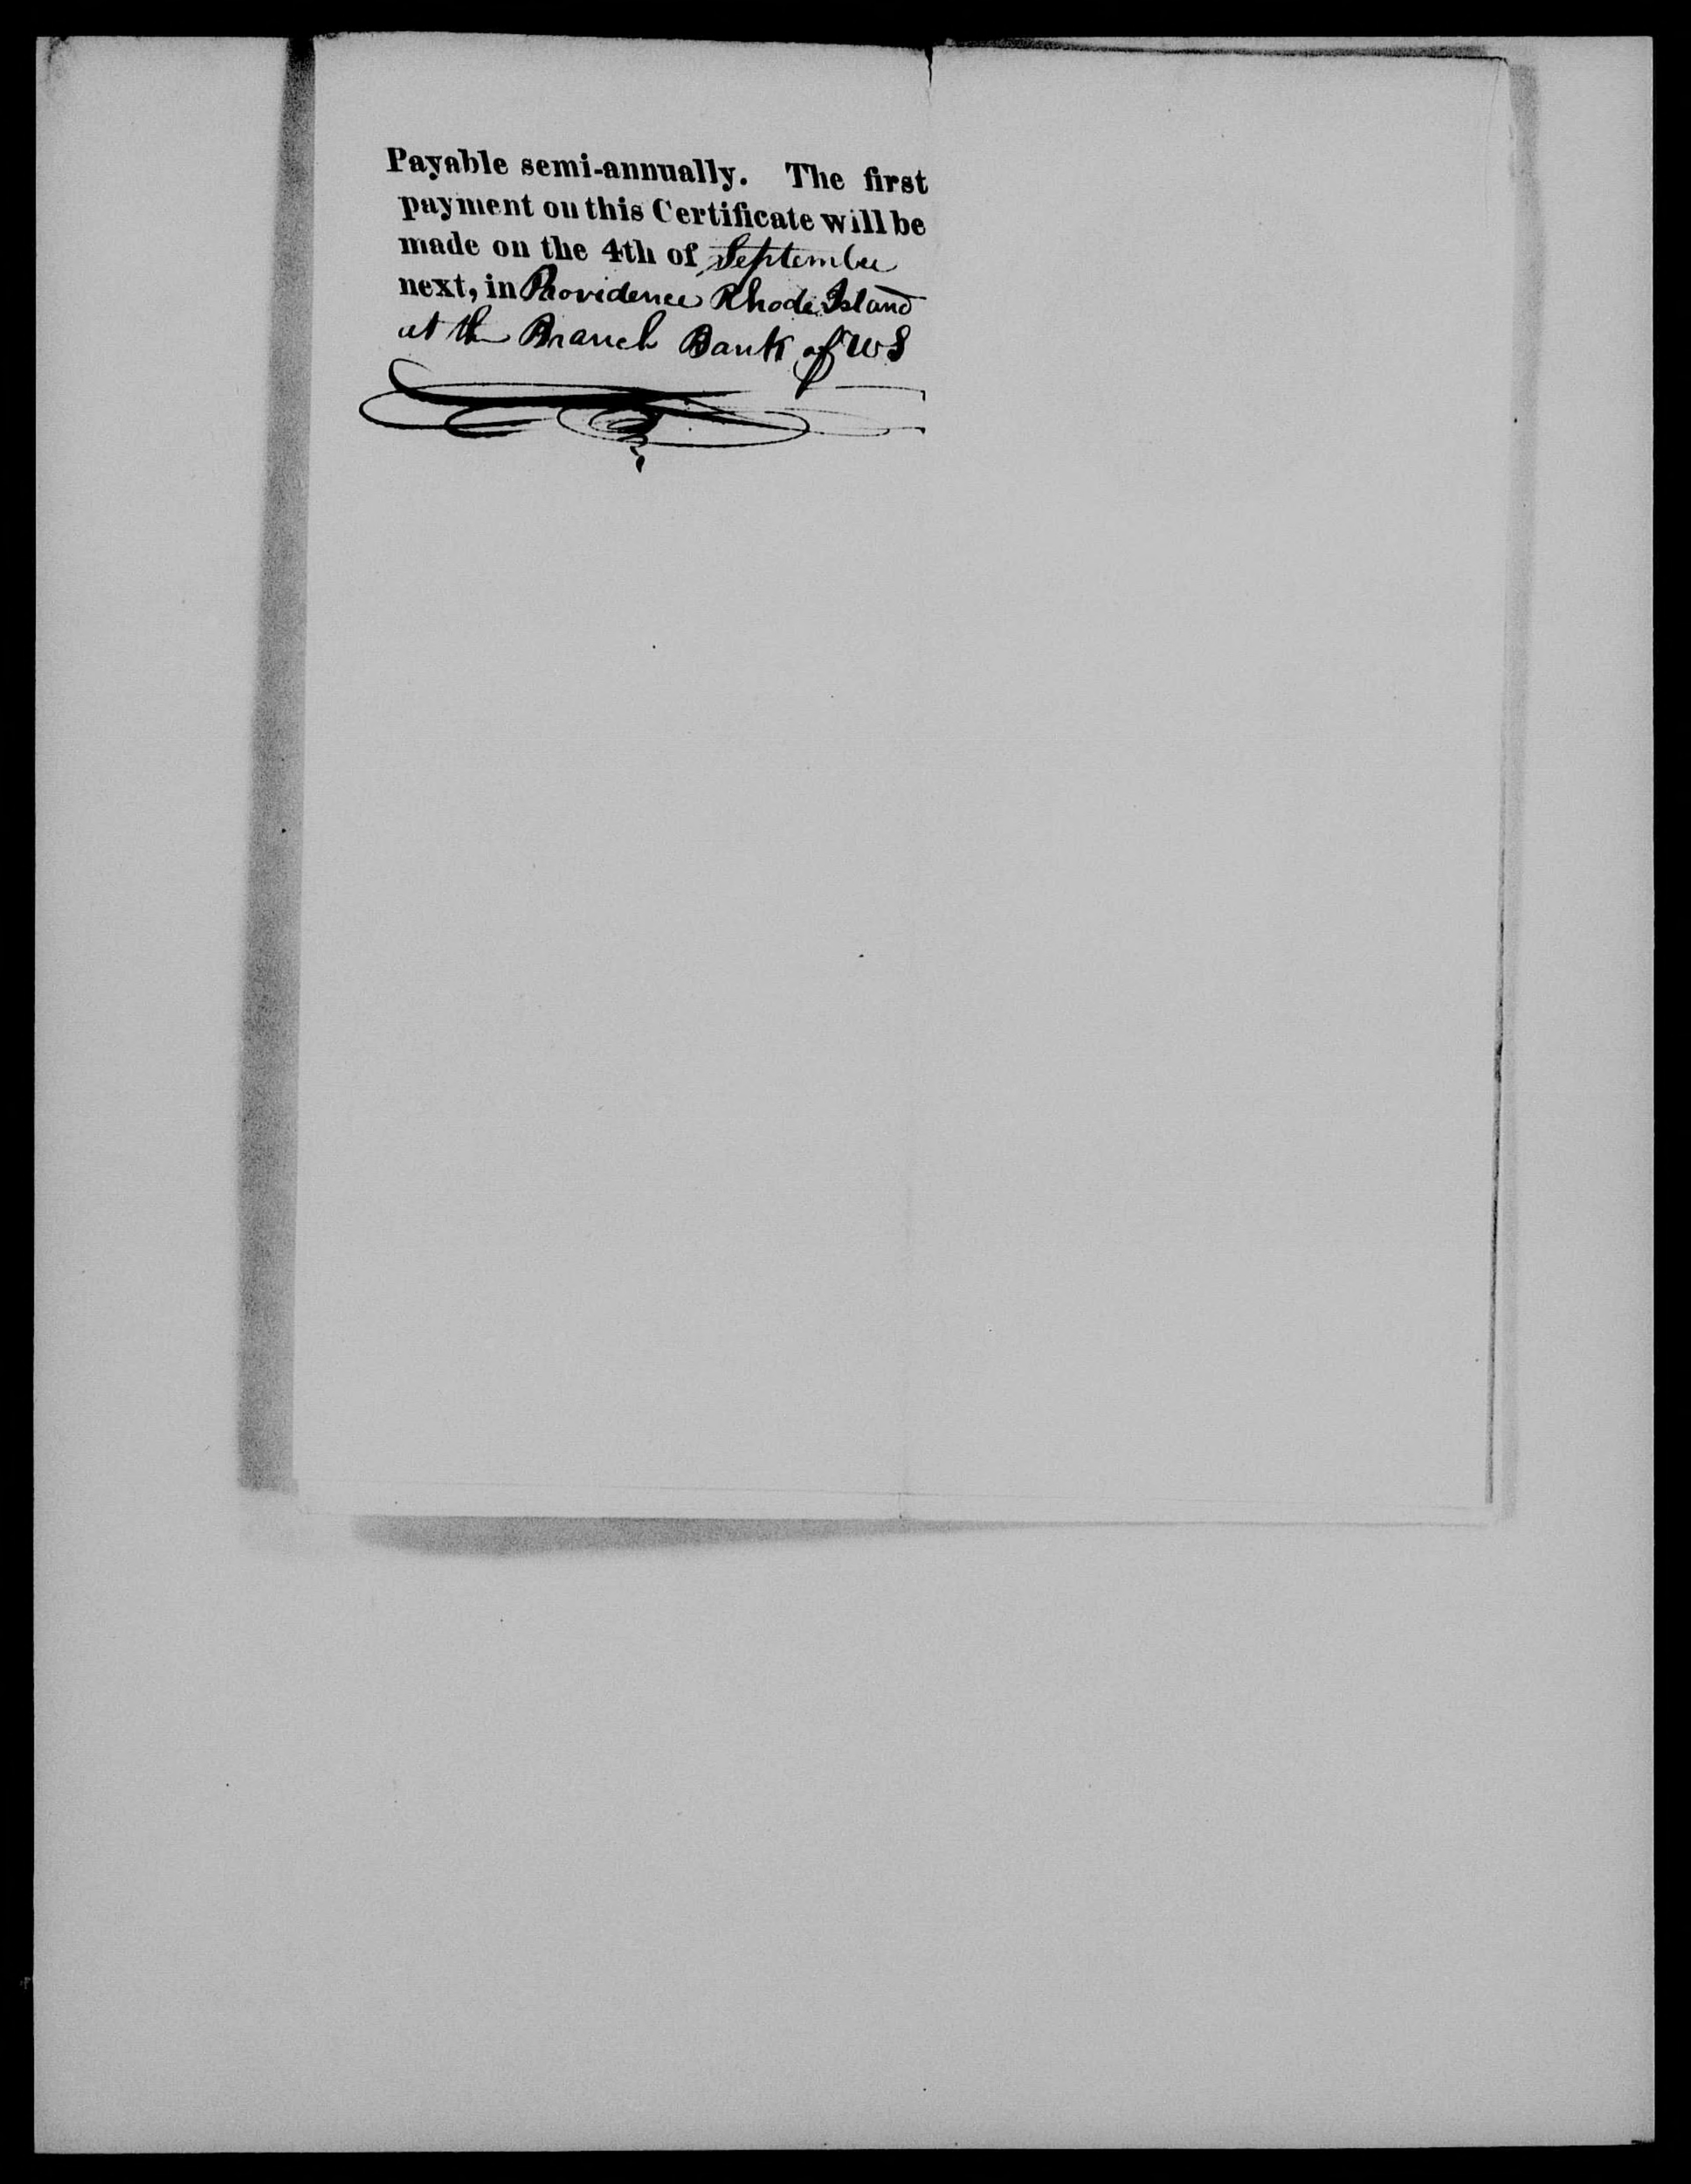Payable semi annually. The first
paymeny on this Certificate will be
made on the 4th of September
next, in Providence Rhode Island
at the Branch Bank of WS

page: 15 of 22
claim: survivor's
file: S 33777, for Noel Taber, Rhode Island